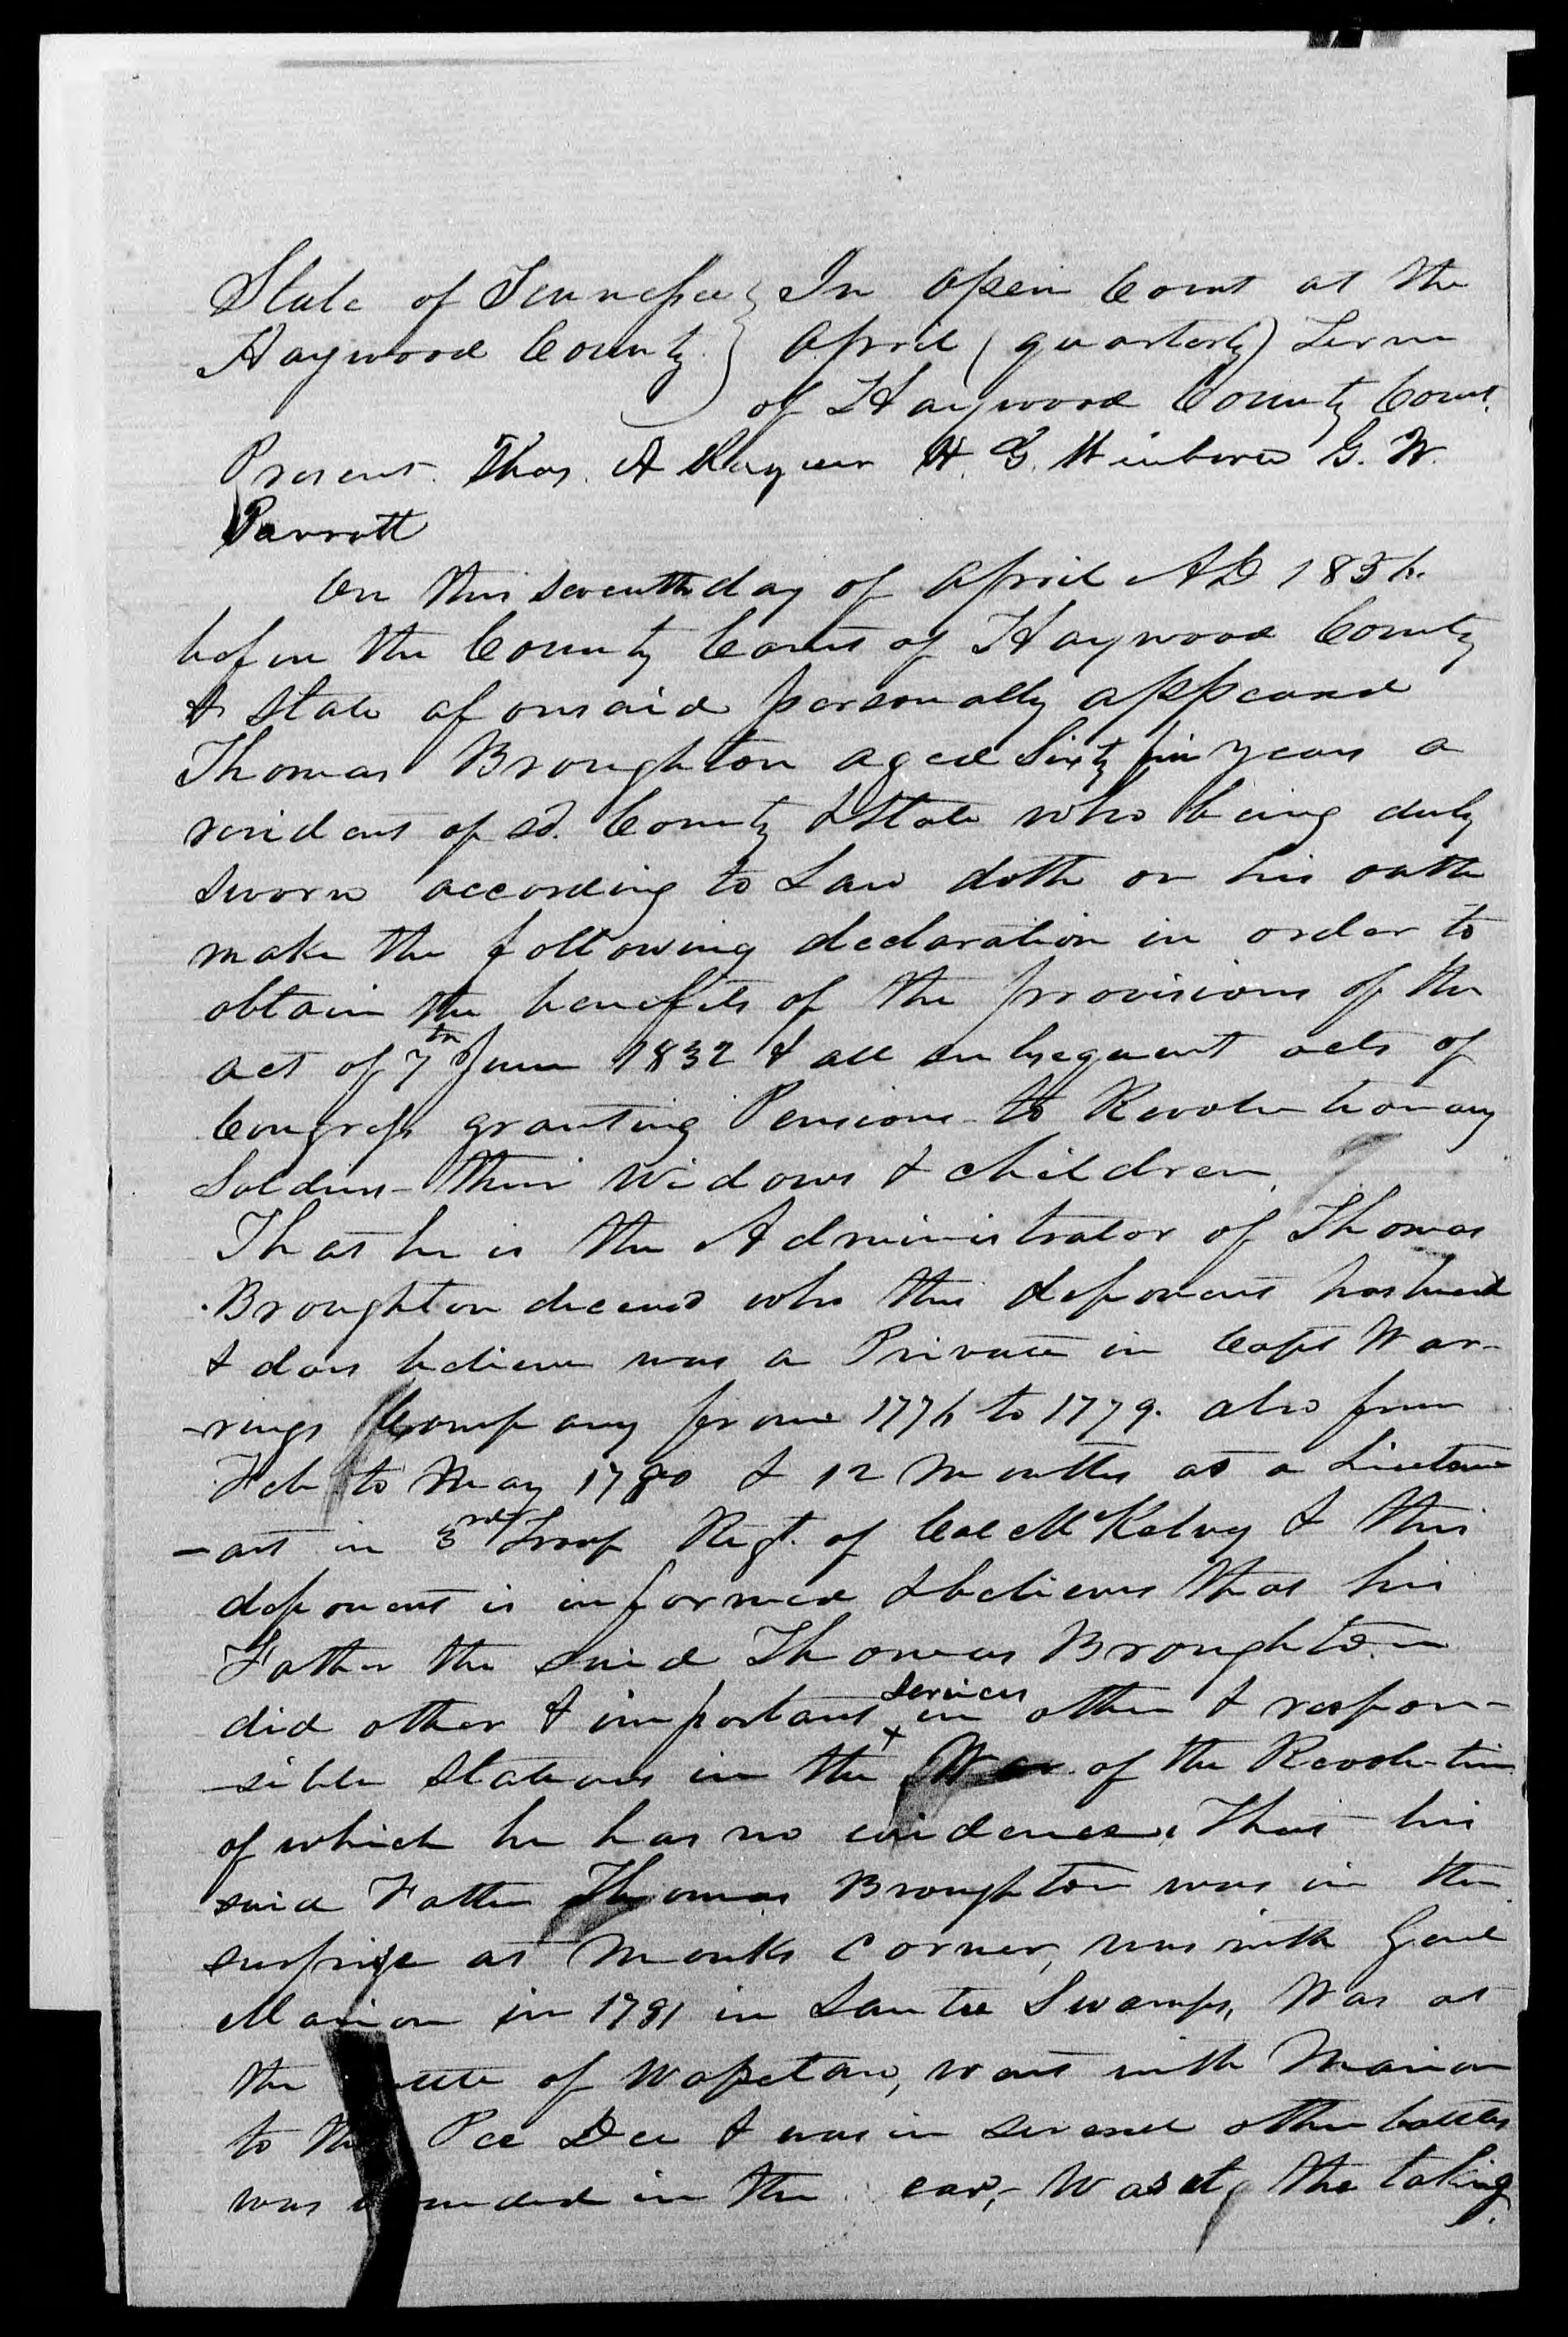State of Tennessee Haywood County 
In open court at the April (quarterly) session of Haywood County Court Present Thos A Raynor H. G Winborn G. W. Parrott

On this seventh day of April AD 1856 before the County Court of Haywood County & state aforesaid personally appeared Thomas Broughton aged sixty five years a resident of sd. County & state who being duly sworn according to law doth on his oath make the following declaration in order to obtain the benefit of the provision of the act of 7th June 1832 & all subsequent acts of Congress granting pensions to Revolutionary soldiers - their widows and children. That he is the Administrator of Thomas Broughton deceased who this deponant husband & does believe was a Private in Capt. Warring's Company from 1776 to 1779. also from Feb to May 1780 & 12 months as a Lieutenant in 3rd troop Regt. of Col. McKelvy [Captain Robert McElvy] & this deponant is informed & believes that his Father the said Thomas Broughton did other & important services in other & responsible stations in the War of the Revolution of which he has no evidence. That his said Father Thomas Broughton was in the surprise at Monks Corner, ran with Genl Marion in 1781 in Santee Swamp, was at the battle of Wapetaw, went with Marion to the Pee Dee & was in several other battles was wounded in the ear; was at the taking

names: H G Winborn, Thomas Broughton, G W Parrott, Thos A Rayner, Thomas Broughton, Thomas Broughton, Mc Kelvy, Thomas Broughton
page: 22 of 72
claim: widow's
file: W. 897, Thomas Broughton, S.C.